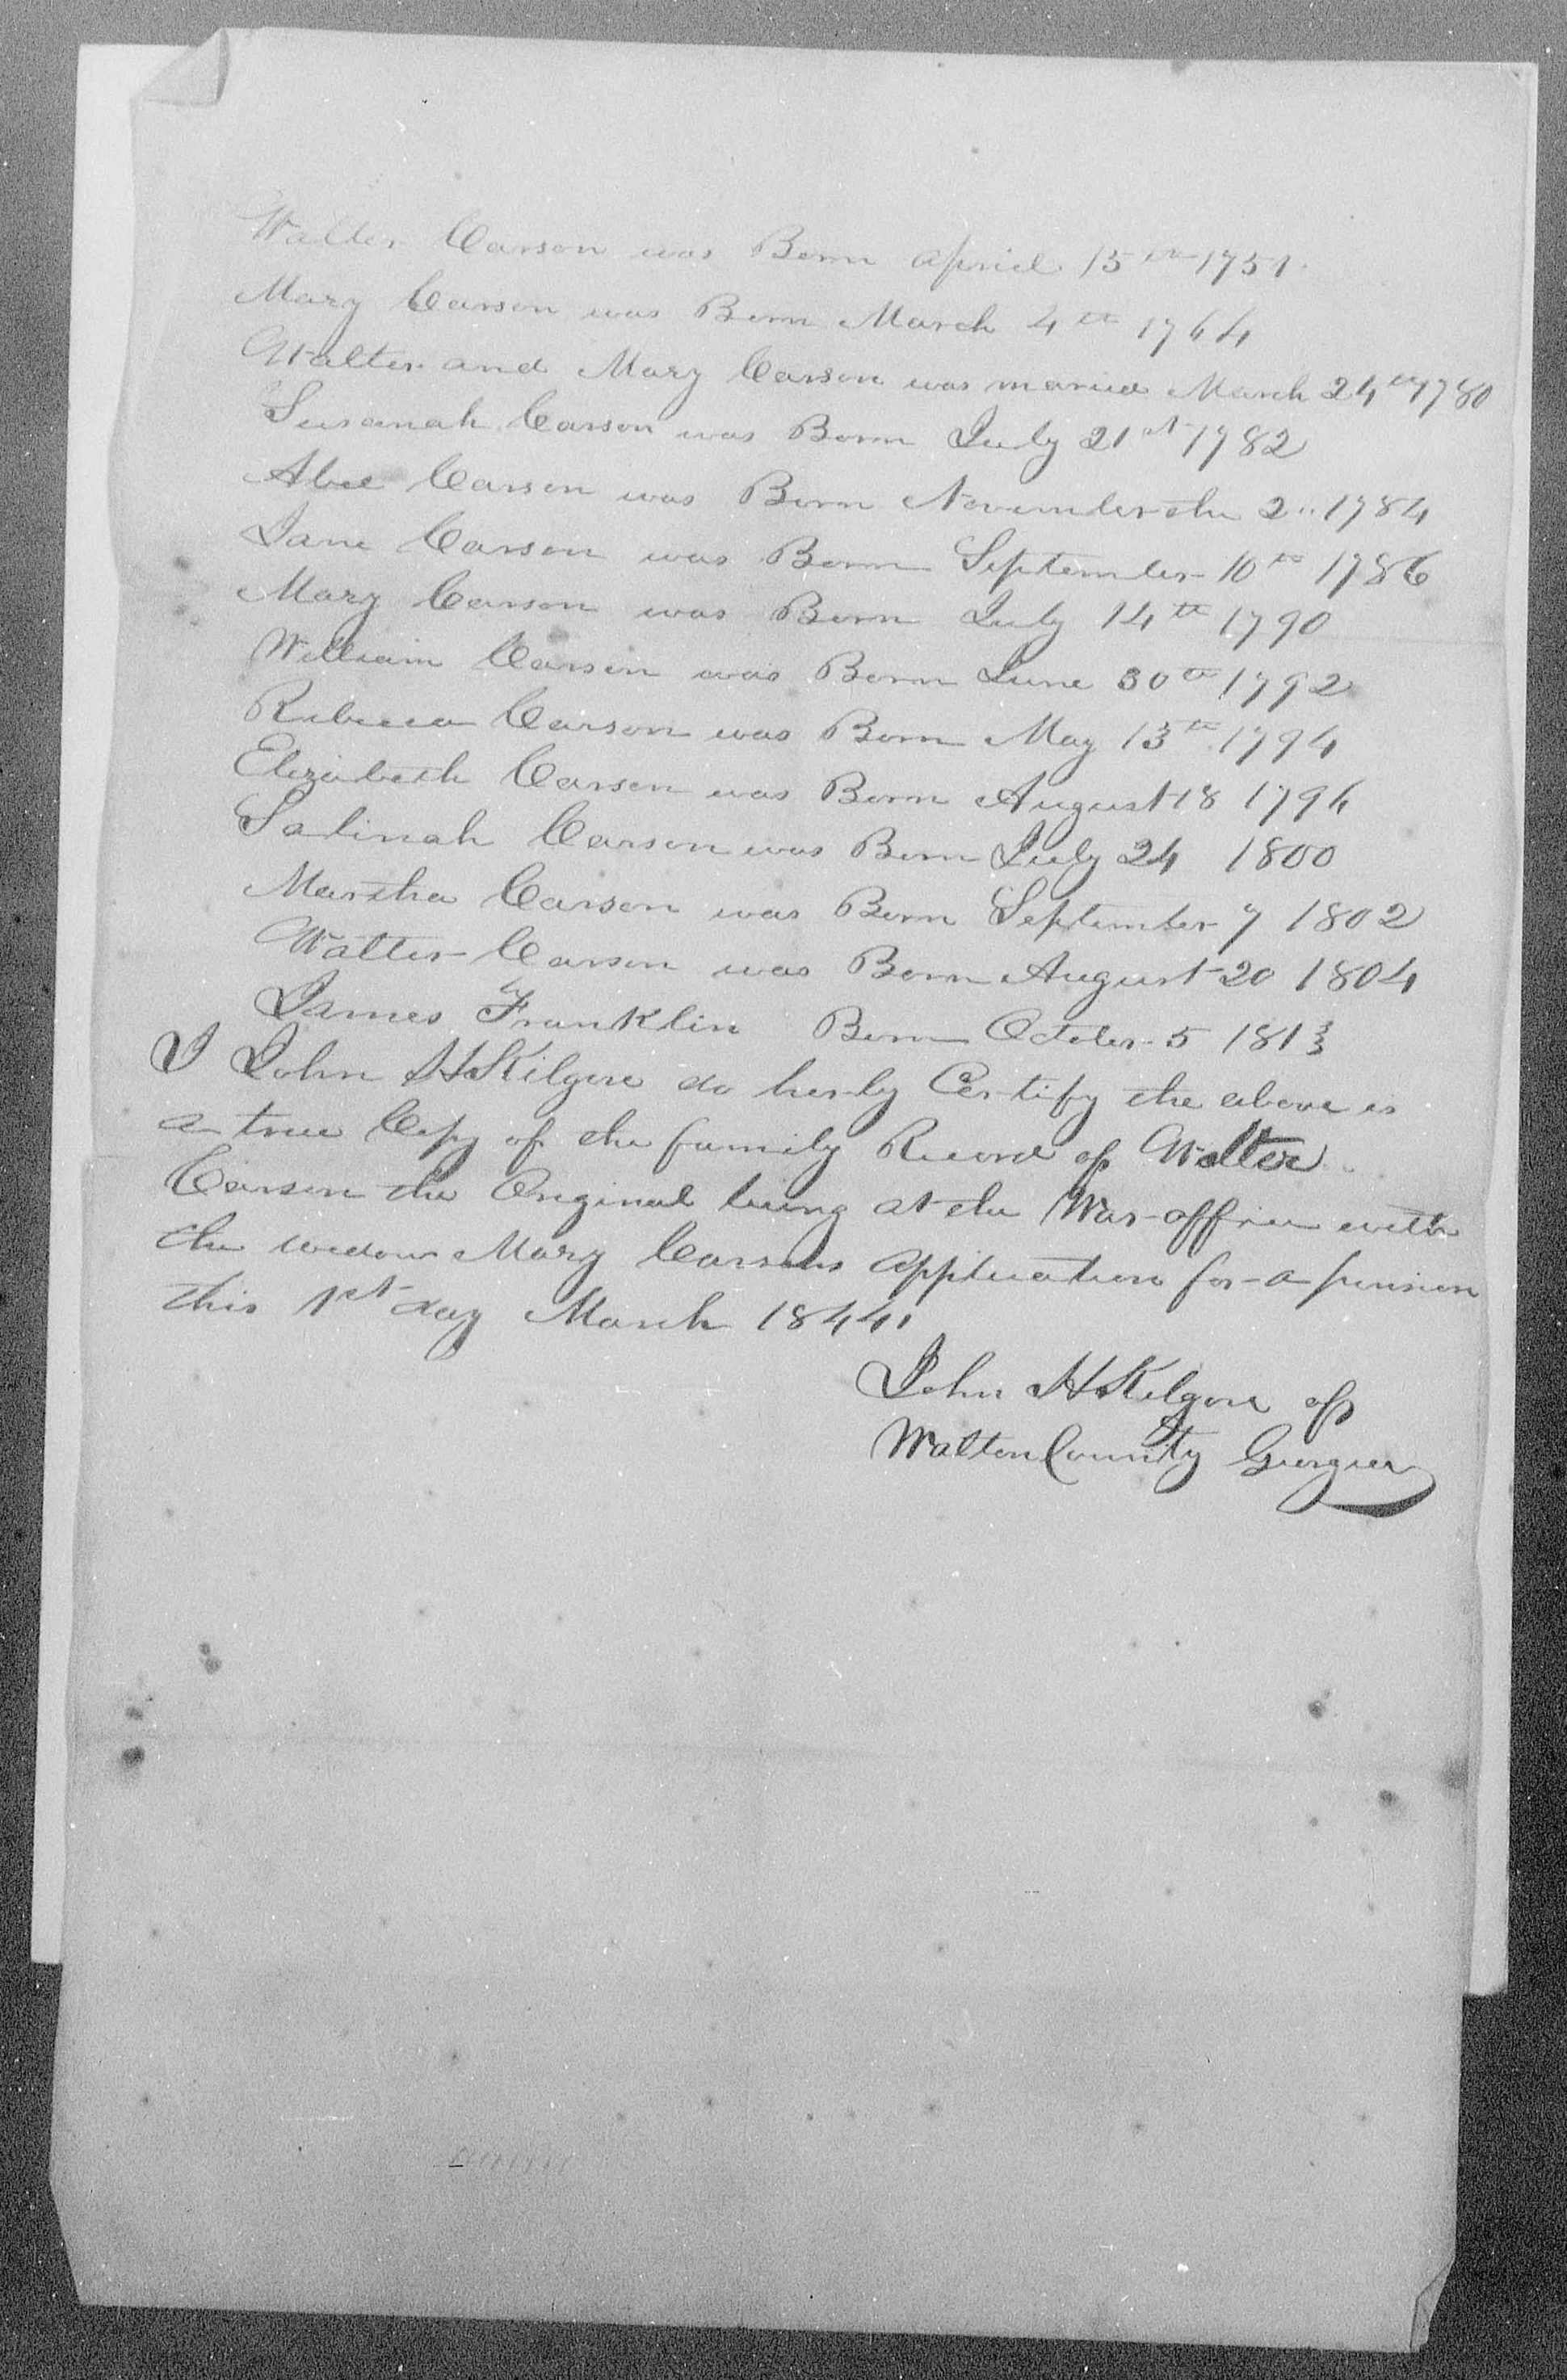Walter Carson was Born April 15th 1751
Mary Carson was Born March 4th 1764
Walter and Mary Carson was married March 24th 1780
Susanah Carson was Born July 21st 1782
Abel Carson was Born November 2nd 1784
Jane Carson was Born September 10th 1786
Mary Carson was Born July 14th 1790
William Carson was Born June 30th 1792
Rebecca Carson was Born May 13th 1794
Elizabeth Carson was Born August 18 1796
Salinah Carson was Born July 24 1800
Martha Carson was Born September 7 1802
Walter Carson was Born August 20 1804
James Franklin Born October 5 1813
I John H Kilgore do herby Certify the above is a true Copy of the family Record of Walter Carson in the Original being at the War office with Widow Mary Carsons application for a pension this 1st day March 1844.
John H Kilgore of Walton County Georgia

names: Elizabeth Carson, William Carson, Salinah Carson, Mary Carson, Walter Carson, Martha Carson, Rebecca Carson, John H Kilgore, Mary Carson, James Franklin, Susanah Carson, John H Kilgore, Mary Carson, Mary Carson, Jane Carson, Walter Carson, Walter Carson, Abel Carson, Walter Carson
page: 7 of 34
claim: rejected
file: R. 1,738, Walter Carson, N.C. S.C.